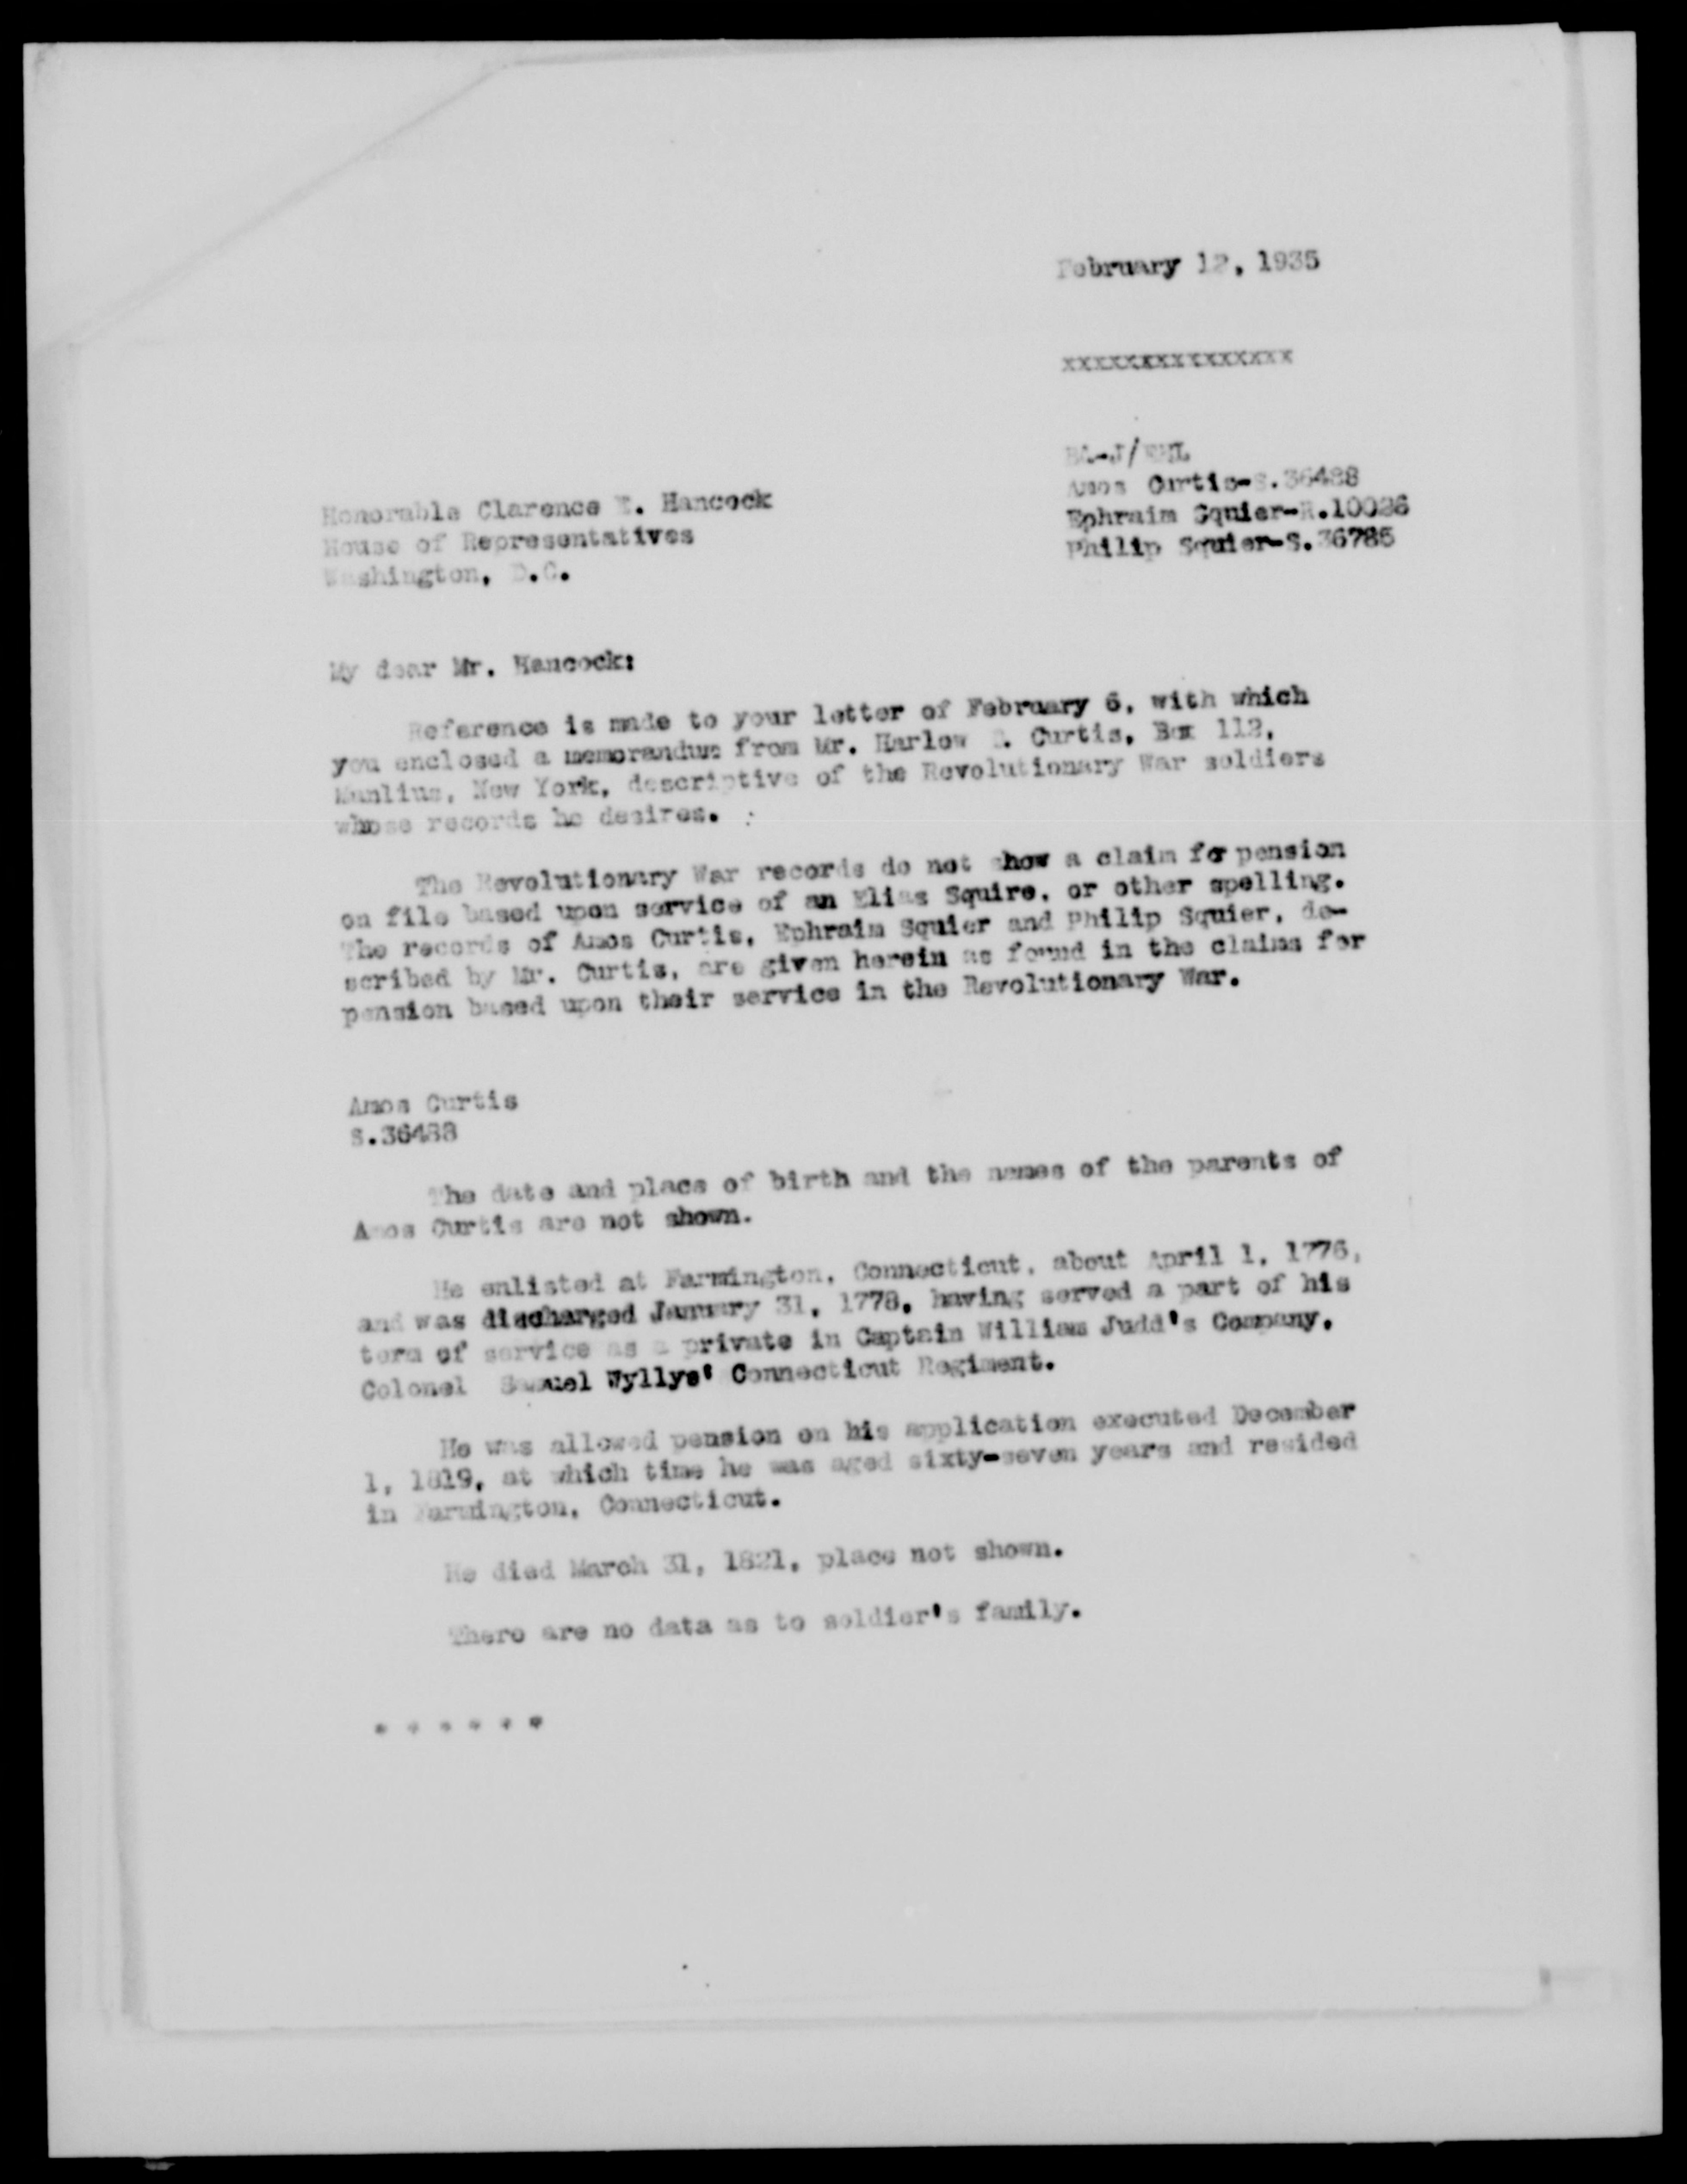February 12, 1935

Honorable Clarence K Hancock
House of Representatives
Washington, D.C. 

BA-J/EHL
Amos Curtis- S. 36488
Ephraim Squier- R. 10026
Philip Squier- S. 36785

My dear Mr. Hancock:

Reference is made to your letter of February 6, with which you enclosed a memorandum from Mr. Harlow D. Curtis, Box 112, [illegible] New  York, descriptive of the Revolutionary War Soldiers whose records he desires.

The Revolutionary War records do not show a claim for pension on file based upon serce of an Elias Squire, or other spelling. The records of Amos Curtis, Ephraim Squier and Philip Squier, described by Mr. Curtis, are given herein as found in the claims for pension based upon their service in the Revolutionary War. 

Amos Curtis
S. 36488

The date and places of birth and the names of the parents of Amos Curtis are not shown. 

He enlisted at Farmington, Connecticut, about April 1, 1776, and was discharged January 31, 1778, having served a part of his term of service as a private in Captain William Judd's Company. Colonel Samuel Wyllys' Connecticut Regiment.

He was allowed pension on his application executed December 1, 1819, at which time he was aged sixty-seven years ad resided in Farrington, Connecticut.

He died March 31, 1821, place not shown. 
There are no data as to soldier's family.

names: Amos Curtis; Amos Curtis; Ephraim Squier; Amos Curtis; [BLANK] Curtis; Philip Squier; Ephraim Squier; Philip Squier; Elias Squire; Harlow D Curtis; Amos Curtis; Clarence E Hancock; [BLANK] Hancock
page: 64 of 70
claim: rejected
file: R. 10,026, for Ephraim Squier, Connecticut